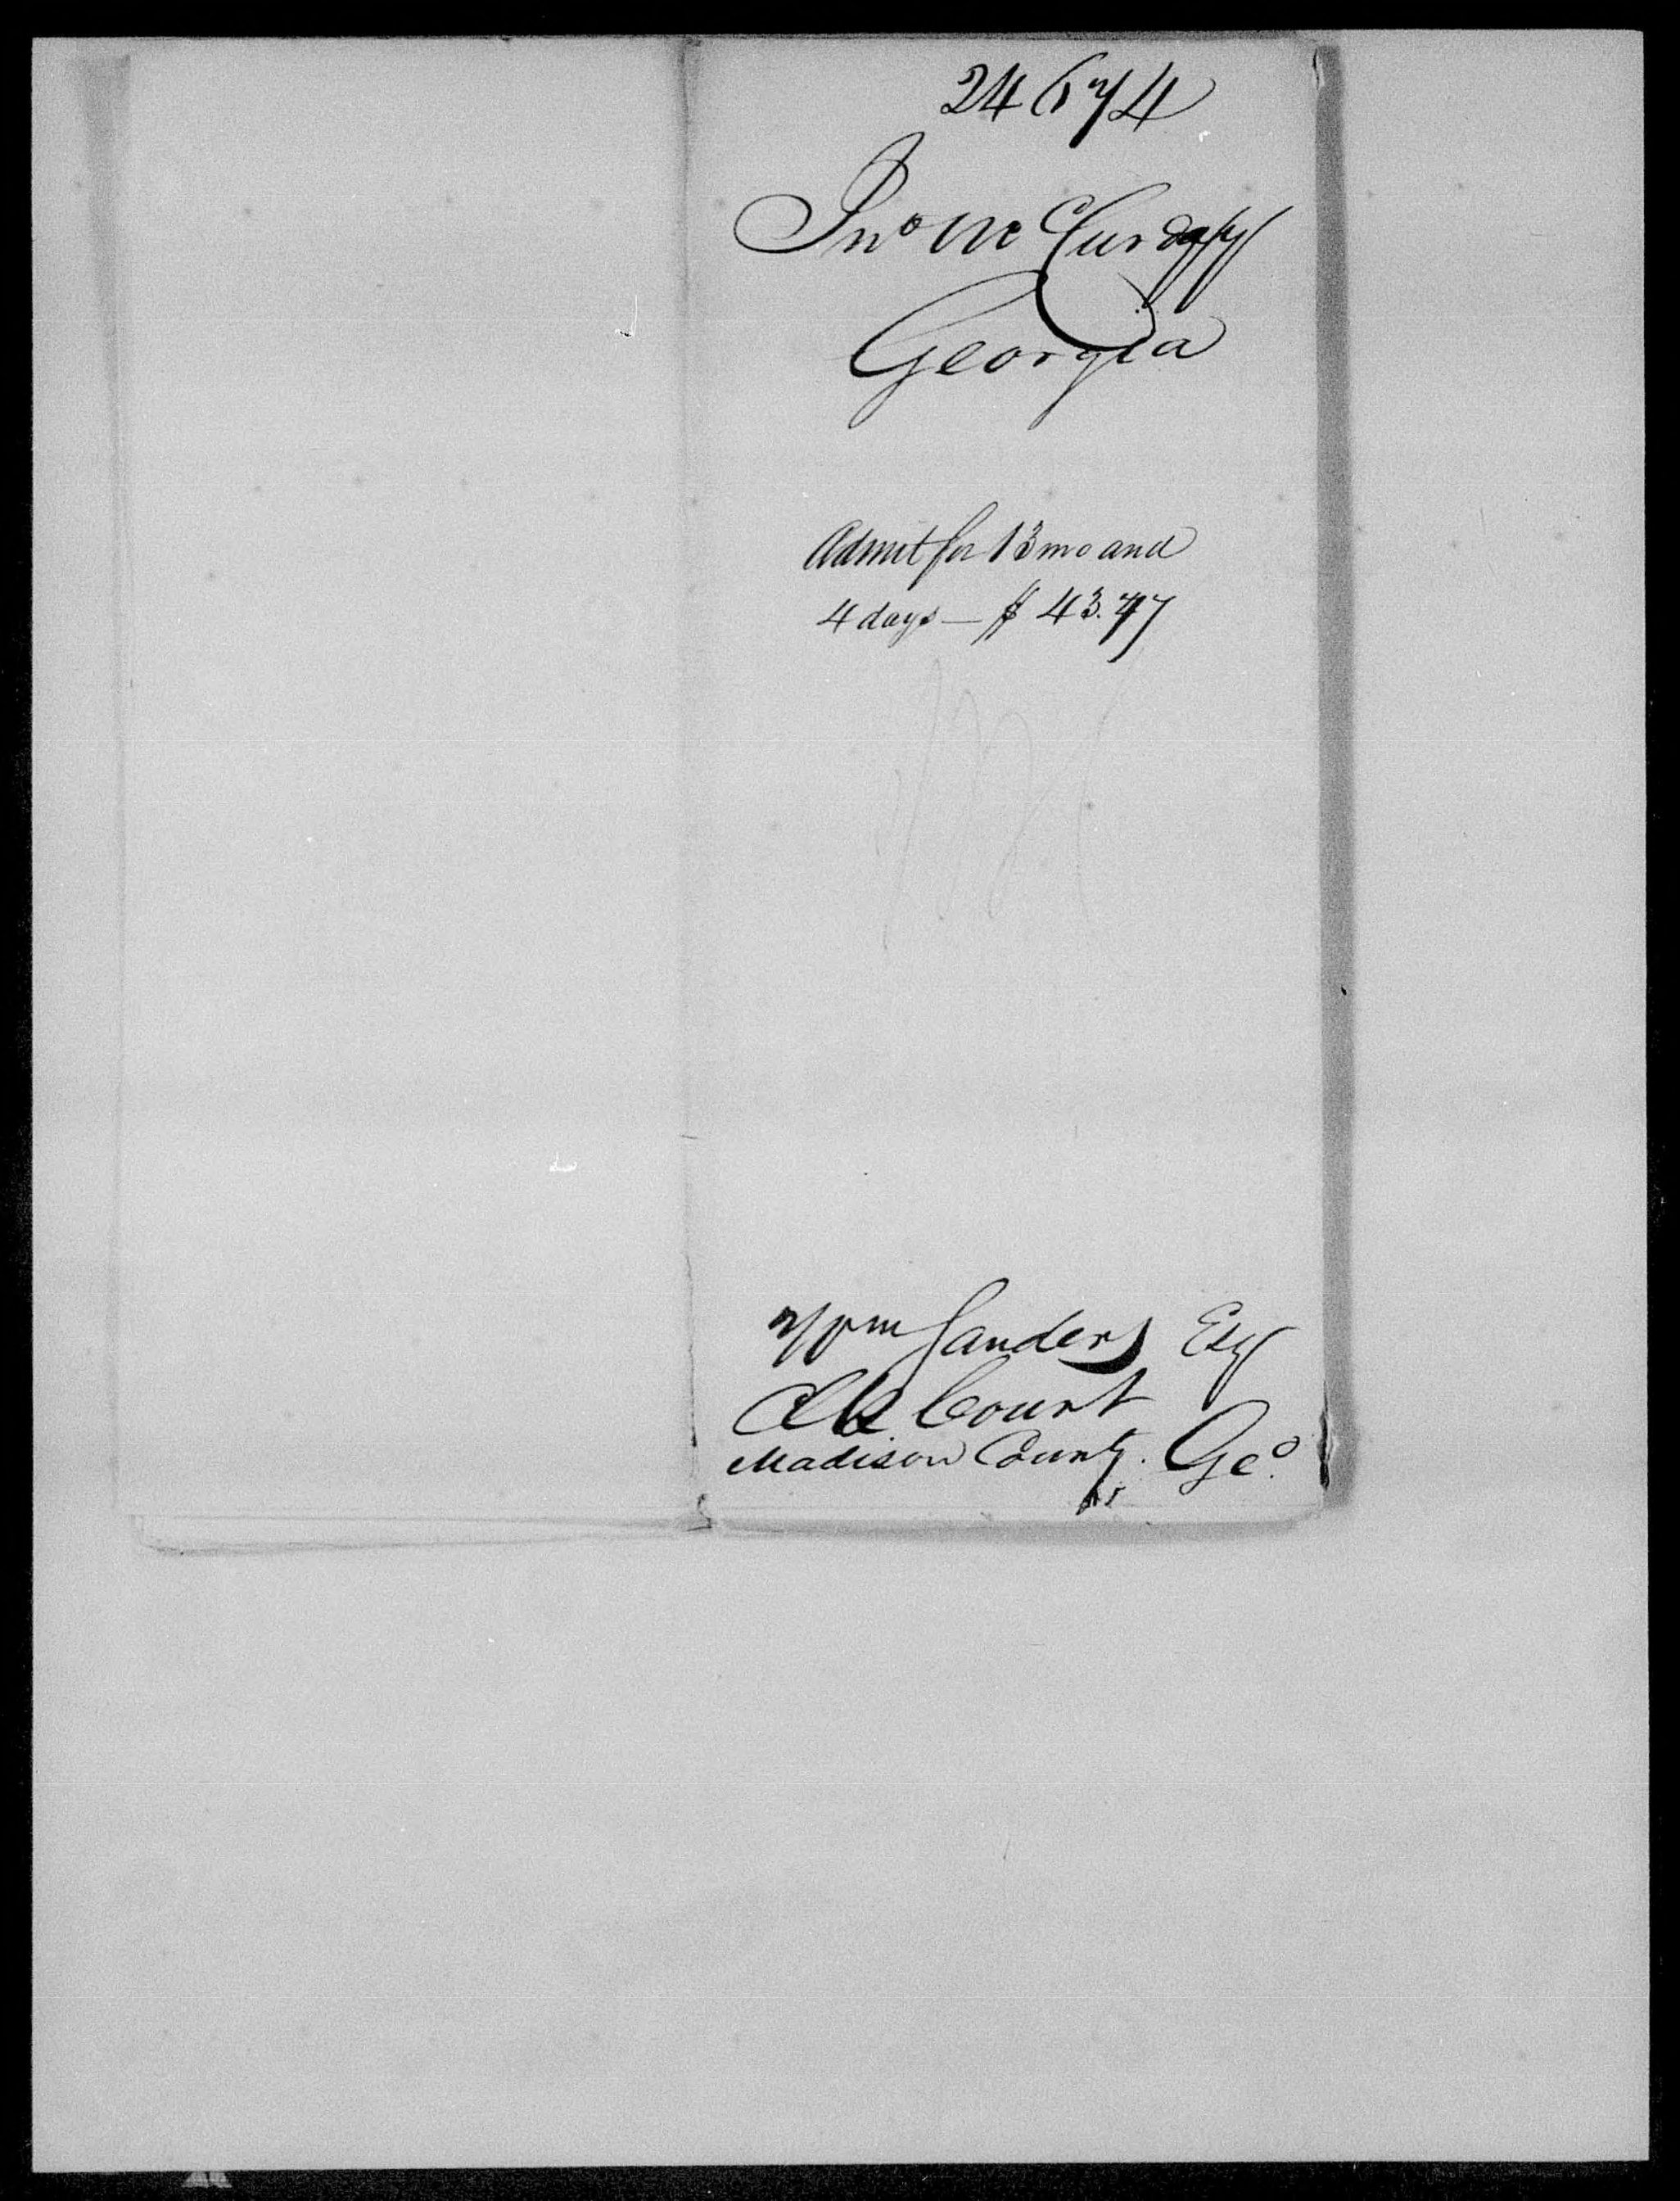(indecipherable)

John McCurdy
Georgia
Admit for 13 mo and
4 days-- $43.77
Wm Landers Esq
All Court
Madison County Geo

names: Jno Mc Curdy; Wm Sanders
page: 7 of 19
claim: survivor's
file: S. 31,855, for John Mc Curdy, Pennsylvania